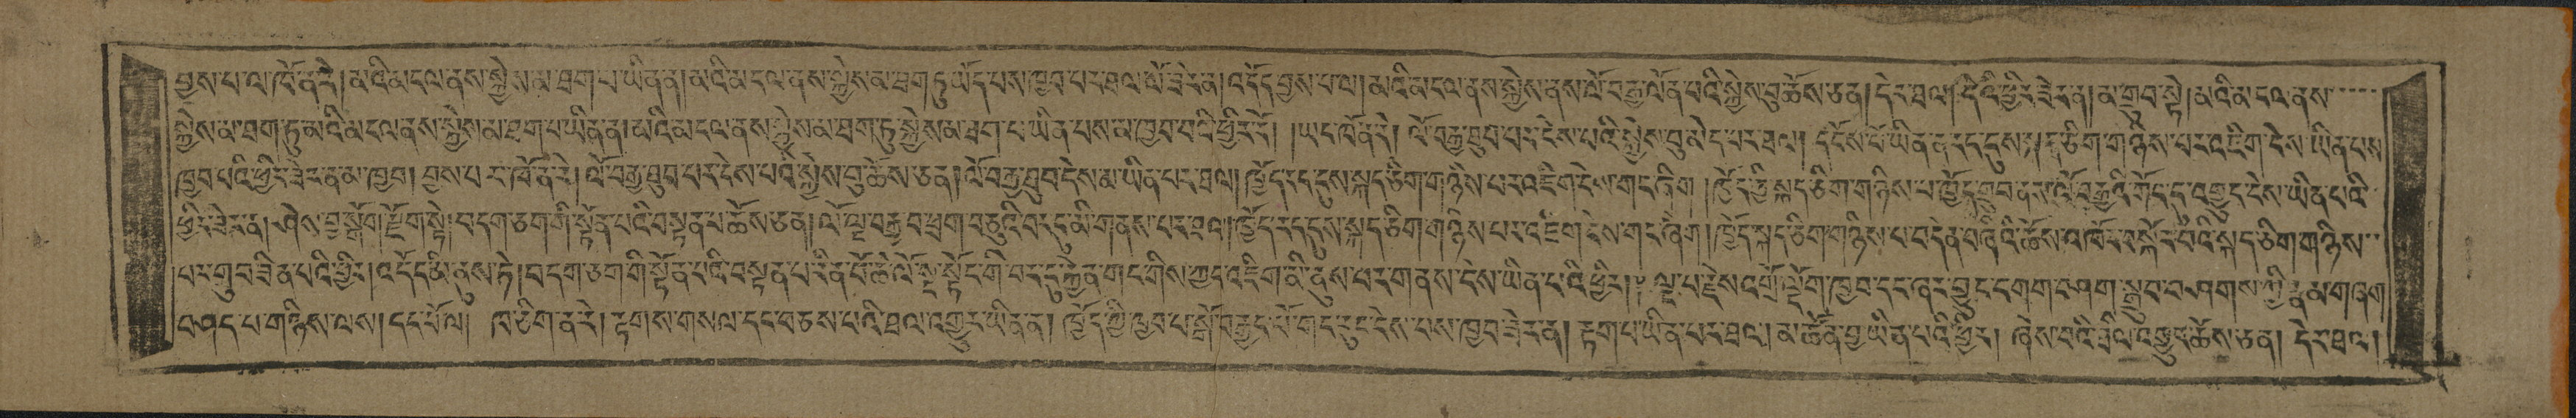བྱས་པ་ལ་ཁོ་ན་རེ། མའི་མངལ་ནས་སྐྱེས་མ་ཐག་པ་ཡིན་ན། མའི་མངལ་ནས་སྐྱེས་མ་ཐག་ཏུ་ཡོད་པས་ཁྱབ་པར་ཐལ་ལོ་ཟེར་ན། འདོད་བྱས་པ་ལ། མའི་མངལ་ནས་སྐྱེས་ནས་ལོ་བརྒྱ་ལོན་པའི་སྐྱེས་བུ་ཆོས་ཅན། དེར་ཐལ། དེའི་ཕྱིར་ཟེར་ན། མ་གྲུབ་སྟེ། མའི་མངལ་ནས་
སྐྱེས་མ་ཐག་ཏུ་མའི་མངལ་ནས་སྐྱེས་མ་ཐག་པ་ཡིན་ན། མའི་མངལ་ནས་སྐྱེས་མ་ཐག་ཏུ་སྐྱེས་མ་ཐག་པ་ཡིན་པས་མ་ཁྱབ་པའི་ཕྱིར་རོ། །ཡང་ཁོ་ན་རེ། ལོ་བརྒྱ་ཐུབ་པར་ངེས་པའི་སྐྱེས་བུ་མེད་པར་ཐལ། དངོས་པོ་ཡིན་ན་རང་དུས་སྐད་ཅིག་གཉིས་པར་འཇིག་ངེས་ཡིན་པས་
ཁྱབ་པའི་ཕྱིར་ཟེར་ན་མ་ཁྱབ། བྱས་པས་ཁོ་ན་རེ། ལོ་བརྒྱ་ཐུབ་པར་ངེས་པའི་སྐྱེས་བུ་ཆོས་ཅན། ལོ་བརྒྱ་ཐུབ་དེས་མ་ཡིན་པར་ཐལ། ཁྱོད་རང་དུས་སྐད་ཅིག་གཉིས་པར་འཇིག་ངེས་གང་ཞིག །ཁྱོད་ཀྱི་སྐད་ཅིག་གཉིས་པ་ཁྱོད་གྲུབ་ནས་ལོ་བརྒྱའི་གོང་དུ་འབྱུང་ངེས་ཡིན་པའི་
ཕྱིར་ཟེར་ན། ཤེས་བྱས་སྒོག་རྫོག་སྟེ། བདག་ཅག་གི་སྟོན་པའི་བསྟན་པ་ཆོས་ཅན། ལོ་ལྔ་བརྒྱ་བ་ཕྲག་བཅུ་འི་བར་དུ་མི་གནས་པར་ཐལ། ཁྱོད་རང་དུས་སྐད་ཅིག་གཉིས་པར་འཇིག་ངེས་གང་ཞིག །ཁྱོད་སྐད་ཅིག་གཉིས་པ་བདེན་བཞིའི་ཆོས་འཁོར་བསྐོར་བའི་སྐད་ཅིག་གཉིས་
པར་གྲུབ་ཟིན་པའི་ཕྱིར། འདོད་མི་ནུས་ཏེ། བདག་ཅག་གི་སྟོན་པའི་བསྟན་པ་རིན་པོ་ཆེ་ལོ་སྔ་སྟོང་གི་བར་དུ་རྐྱེན་གང་གིས་ཀྱང་འཇིག་མི་ནུས་བར་གནས་ངེས་ཡིན་པའི་ཕྱིར། ༈ ལྔ་པ་རྗེས་འགྲོ་ལྡོག་ཁྱབ་དང་ཞར་བྱུང་དགག་བཤགས་སྒྲུབ་བཤགས་ཀྱི་རྣམ་གཞག་
བཤད་པ་གཉིས་ལས། དང་པོ་ལ། ཁ་ཅིག་ན་རེ། རྟགས་གསལ་དང་བཅས་པའི་ཐལ་འགྱུར་ཡིན་ན། ཁྱོད་ཀྱི་ཁྱབ་པ་སྒོ་བརྒྱད་པོ་གང་རུང་ངེས་པས་ཁྱབ་ཟེར་ན། རྟག་པ་ཡིན་པར་ཐལ། མཚོན་བྱ་ཡིན་པའི་ཕྱིར། ཞེས་པའི་ཐལ་གྱུར་ཆོས་ཅན། དེར་ཐལ།